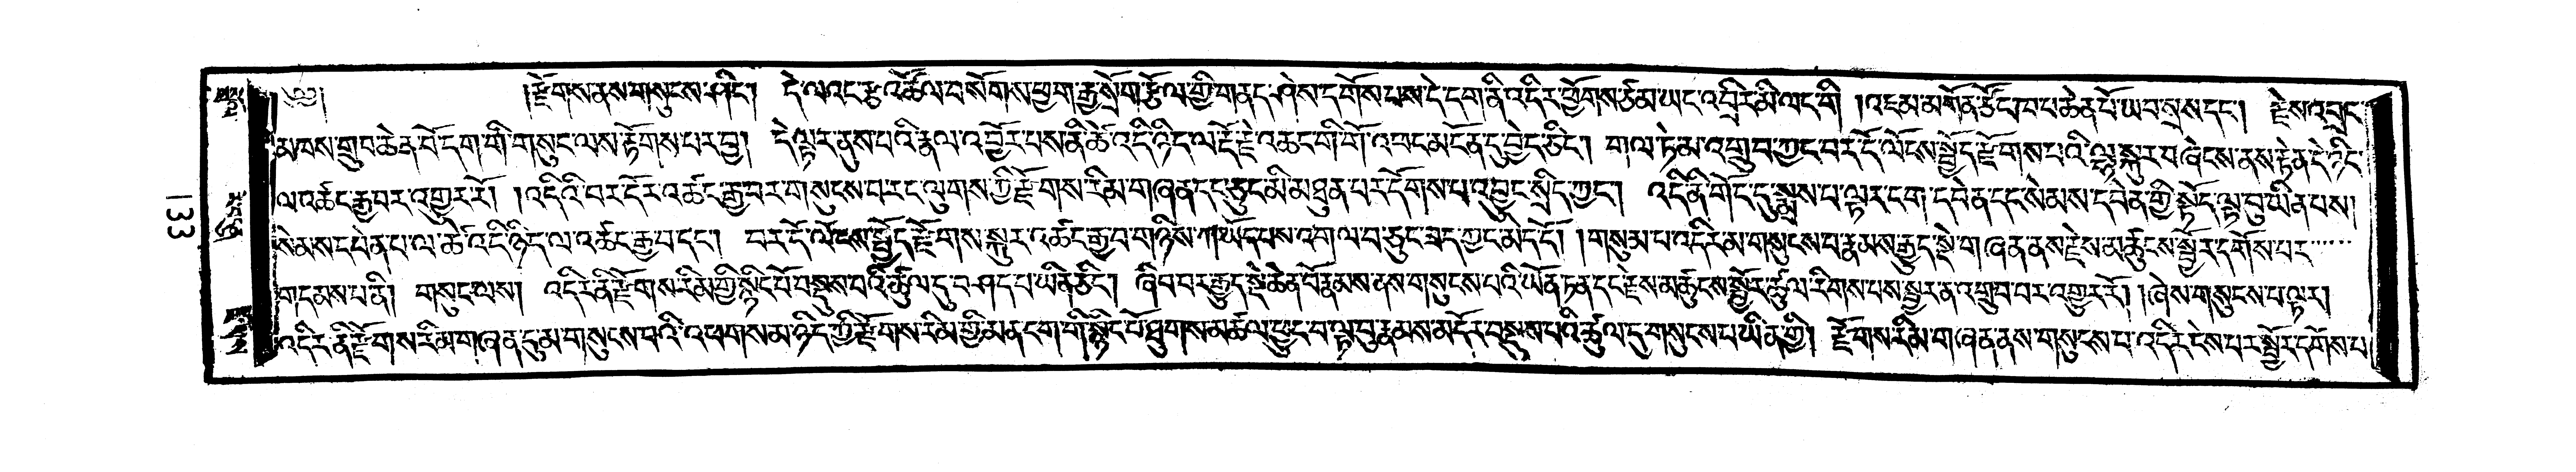༄༅། །རྫོགས་ནས་གསུངས་ཤིང་། དེ་ལའང་རྩ་འཚོལ་བ་སོགས་ཕྱག་རྒྱ་སྲོག་རྩོལ་གྱི་གནད་ཤེས་དགོས་པས་དེ་དག་ནི་འདིར་ཕྱོགས་ཙམ་ཡང་འདྲིར་མི་ལང་གིས། །འཇམ་མགོན་ཙོང་ཁ་པ་ཆེན་པོ་ཡབ་སྲས་དང་། རྗེས་འབྲང་།
མཁས་གྲུབ་ཆེན་པོ་དག་གི་གསུང་ལས་རྟོགས་པར་བྱ། དེ་ལྟར་ནུས་པའི་རྣལ་འབྱོར་པས་ནི་ཚེ་འདི་ཉིད་ལ་རྡོ་རྗེ་འཆང་གི་གོ་འཕང་མངོན་དུ་བྱེད་ཅིང་། གལ་ཏེ་མ་འགྲུབ་ཀྱང་བར་དོ་ལོངས་སྤྱོད་རྫོགས་པའི་ལྷ་སྐུར་བཞེངས་ནས་རྟེན་དེ་ཉིད་
ལ་འཚང་རྒྱ་བར་འགྱུར་རོ། །འདིའི་བར་དོར་འཚང་རྒྱ་བར་གསུངས་པ་རང་ལུགས་ཀྱི་རྫོགས་རིམ་གཞན་དང་ཅུང་མི་མཐུན་པར་དོགས་པ་འབྱུང་སྲིད་ཀྱང་། འདི་ནི་གོང་དུ་སྨྲས་པ་ལྟར་ངག་དཔེན་དང་སེམས་དབེན་གྱི་སྟོད་ལྟ་བུ་ཡིན་པས།
སེམས་དབེན་པ་ལ་ཚེ་འདི་ཉིད་ལ་འཚང་རྒྱ་བ་དང་། བར་དོ་ལོངས་སྤྱོད་རྫོགས་སྐུར་འཚང་རྒྱ་བ་གཉིས་ཀ་ཡོད་པས་འགལ་བ་ཅུང་ཟད་ཀྱང་མེད་དོ། །གསུམ་པ་འདིར་མ་གསུངས་པ་རྣམས་རྒྱུད་སྡེ་གཞན་ནས་རྗེས་མཚུངས་སྦྱོར་དགོས་པར་
གདམས་པ་ནི། གསུང་ལས། འདི་ནི་རྫོགས་རིམ་གྱི་སྙིང་པོ་བསྡུས་པའི་ཚུལ་དུ་བཤད་པ་ཡིན་ཅིང་། ཞིབ་པར་རྒྱུད་སྡེ་ཆེན་པོ་རྣམས་ནས་གསུངས་པའི་ཡོན་ཏན་དང་རྗེས་མཚུངས་སྦྱོར་ཚུལ་རིགས་པས་སྦྱར་ན་འགྲུབ་པར་འགྱུར་རོ། །ཞེས་གསུངས་པ་ལྟར།
འདིར་ནི་རྫོགས་རིམ་གཞན་དུ་མ་གསུངས་པའི་འཕགས་མ་ཉིད་ཀྱི་རྫོགས་རིམ་གྱི་མན་ངག་གི་སྙིང་པོ་ཐུགས་མཚལ་ཕྱུང་བ་ལྟ་བུ་རྣམས་མདོར་བསྡུས་པའི་ཚུལ་དུ་གསུངས་པ་ཡིན་གྱི། རྫོགས་རིམ་གཞན་ནས་གསུངས་པ་འདིར་ངེས་པར་སྦྱོར་དགོས་པ་